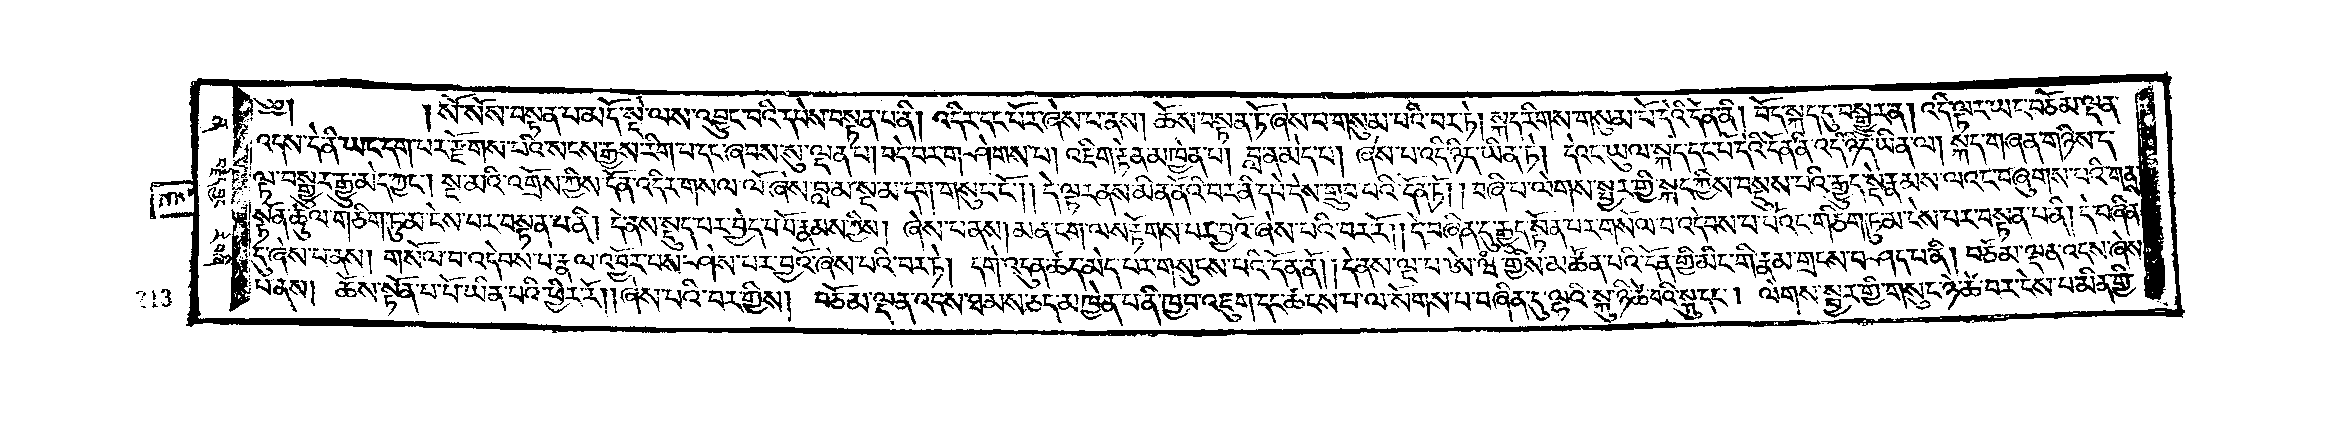༄༅། །སོ་སོས་བསྟན་པ་མདོ་སྡེ་ལས་འབྱུང་བའི་དཔེས་བསྟན་པ་ནི། འདིར་དང་པོར་ཞེས་པ་ནས། ཆོས་བསྟན་ཏོ་ཞེས་པ་གསུམ་པའི་བར་ཏེ། སྐད་རིགས་གསུམ་པོ་དེའི་དོན་ནི། བོད་སྐད་དུ་བསྒྱུར་ན། འདི་ལྟར་ཡང་བཅོམ་ལྡན་
འདས་དེ་ནི་ཡང་དག་པར་རྫོགས་པའི་སངས་རྒྱས་རིག་པ་དང་ཞབས་སུ་ལྡན་པ། བདེ་བར་གཤེགས་པ། འཇིག་རྟེན་མཁྱེན་པ། བླ་ན་མེད་པ། ཞེས་པ་འདི་ཉིད་ཡིན་ཏེ། དེའང་ཡུལ་སྐད་དང་པོ་དེའི་དོན་ནི་འདི་ཉིད་ཡིན་ལ། སྐད་གཞན་གཉིས་ད་
ལྟ་བསྒྱུར་རྒྱུ་མེད་ཀྱང་། སྔ་མའི་འགྲོས་ཀྱིས་དོན་འདིར་གསལ་ལོ་ཞེས་བླ་མ་སྔ་མ་དག་གསུང་ངོ། །དེ་ལྟར་ནས་མིན་ནོའི་བར་ནི་དཔེ་དེས་གྲུབ་པའི་དོན་ཏོ། །བཞི་པ་ལེགས་སྦྱར་གྱི་སྐད་ཀྱིས་བསྡུས་པའི་རྒྱུད་སྡེ་རྣམས་ལའང་བཞུགས་པའི་གནས་
སྟོན་ཚུལ་གཅིག་ཏུ་མ་ངེས་པར་བསྟན་པ་ནི། དེ་ནས་སྡུད་པར་བྱེད་པ་པོ་རྣམས་ཀྱིས། ཞེས་པ་ནས། མན་ངག་ལས་རྟོགས་པར་བྱའོ་ཞེས་པའི་བར་རོ། །དེ་བཞིན་དུ་རྒྱུད་སྟོན་པར་གསོལ་བ་འདེབས་པ་པོའང་གཅིག་ཏུ་མ་ངེས་པར་བསྟན་པ་ནི། དེ་བཞིན་
དུ་ཞེས་པ་ནས། གསོལ་བ་འདེབས་པ་རྣལ་འབྱོར་པས་ཤེས་པར་བྱའོ་ཞེས་པའི་བར་ཏེ། དགེ་འདུན་ཚད་མེད་པར་གསུངས་པའི་དོན་ནོ། །དེ་ནས་ལྔ་པ་ཨེ་ཝཾ་གྱིས་མཚོན་པའི་དོན་གྱི་མིང་གི་རྣམ་གྲངས་བཤད་པ་ནི། བཅོམ་ལྡན་འདས་ཞེས་
པ་ནས། ཆོས་སྟོན་པ་པོ་ཡིན་པའི་ཕྱིར་རོ། །ཞེས་པའི་བར་གྱིས། བཅོམ་ལྡན་འདས་ཐམས་ཅད་མཁྱེན་པ་ནི་ཁྱབ་འཇུག་དང་ཚངས་པ་ལ་སོགས་པ་བཞིན་དུ་ལྷའི་སྐུ་ཉི་ཚེ་བའི་སྐུ་དང་། ལེགས་སྦྱར་གྱི་གསུང་ཉེ་ཚེ་བར་ངེས་པ་མིན་གྱི་